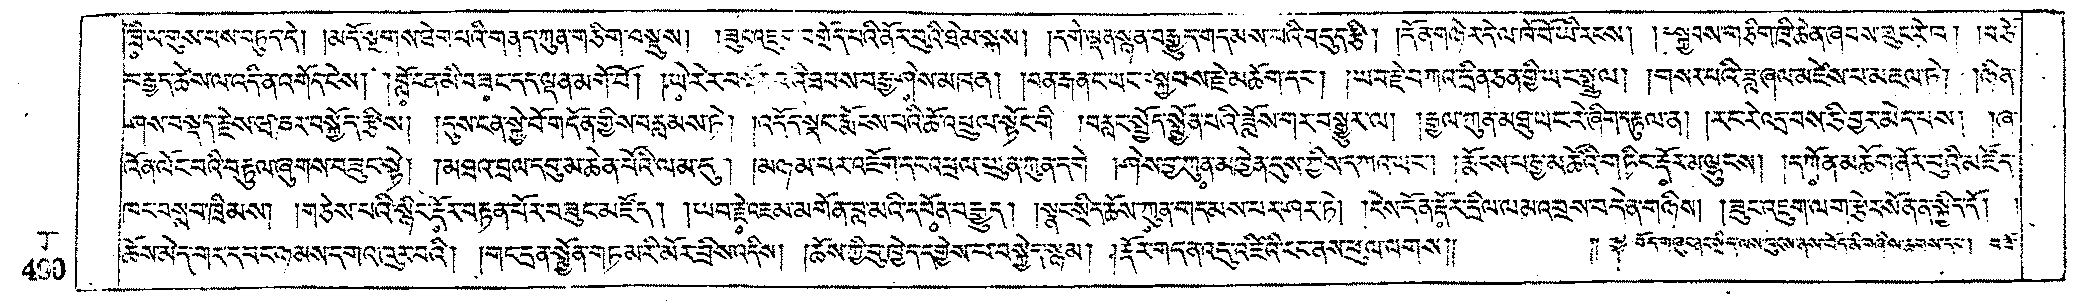ཁྲི྾་ལ་གུས་པས་བཏུད་དེ། །མདོ་སྔགས་ཐེག་པའི་གནད་ཀུན་གཅིག་བསྡུས། །ཟུང་འཇུག་བགྲོད་པའི་ནོར་བུའི་ཐེམ་སྐས། །དགེ་ལྡན་སྙན་བརྒྱུད་གདམས་པའི་བདུད་རྩི། །དོན་གཉེར་དེ་ལ་ཁོ་བོ་ཡི་རངས། །༧སྐྱབས་གཅིག་ཁྲི་ཆེན་ཞབས་ཟུང་རེ་ཁ། །བཅོ་
བརྒྱད་ཚེས་ལ་འདི་ན་འགོད་ངེས། །བློ྾་ངན་མི་བཟང྾་དད་ལྡན་མགོ་བོ། །ཡེ྾་རེར་བསྐོར་བའི་ཐབས་བརྒྱ་ཤེས྾་མཁན། །བན་རྒན་ང་ཡང ༧སྐྱབས་རྗེ་མཆོག་དང་། །ཡབ་རྗེ་བཀའ་དྲིན་ཅན་གྱི་ཡང་སྤྲུལ། །གསར་པའི་ཟླ་ཞལ་མཛེས་པ་མཇལ་ཏེ། །ཉིན་
ཤས་བསྡད་རྗེས་ཝ་ཎར་བསྐྱོད་རྩིས། །དུས་ངན་སྐྱེ་བོ་གདོན་གྱིས་བརླམས་ཏེ། །འདོད་སྡང་རྨོངས་པའི་ཆོ་འཕྲུལ་སྟོང་གི །བརླང་སྤྱོད་སྨྱོན་པའི་ཟློས་གར་བསྒྱུར་ལ། །རྒྱལ་ཀུན་མཐུ་ཡང་རེ་ཞིག་བརྟུལ་ན། །རང་རེ་འདྲ་བས་ཅི་བྱར་མེད་པས། །ཞ་
འོན་ལོང་བའི་བརྟུལ་ཞུགས་བཟུང་སྟེ། །མཐའ་བྲལ་དབུ་མ་ཆེན་པོའི་ལམ་དུ། །མཉམ་པར་འཇོག་དང་འཕྲལ་ཡུན་ཀུན་དགེ །ཤེས་བྱ་ཀུན྾་མཁྱེན་དུས་ཀྱིས་དགའ་ཡང་། །རྨོངས་པ་རྒྱ་མཚོའི་གཏིང་རྡོར྾་མ་ལྷུངས། །དཀོན྾་མཆོག་ནོར་བུའི་མཛོད་
ཁང་བསླབ་ཁྲིམས། །གཅེས་པའི་སྙིང་རྡོར྾་བརྟན་པོར་བཟུང་མཛོད། །ཡབ་རྗེ྾་འཇམ་མགོན་བླ་མའི་དབོན྾་བརྒྱུད། །སྣང་སྲིད་ཆོས་ཀུན྾་གདམས་པར་ཤར་ཏེ། །ངེས་དོན་རྡོར྾་དྲིལ་ལམ་འབྲས་བདེན་གཉིས། །ཟུང་འཇུག་ལག་རྩེར་སོན་ན་སྐྱིད་དོ། །
ཆོས་མེད་གར་དབང་ཉམས་དགའ་འུར་བའི། །གང་དྲན་སྨྱོན་གཏམ་རི་མོར་བྲིས་འདིས། །ཆོས་ཀྱི་བུ་ཁྱེད་དགྱེས་པ་བསྐྱེད་སྙམ། །རྡོར་གདན་འདུ་འཛིའི་ངང་ནས་ཕུལ་ལགས།། །།འ་བོད་གཞུང་ནང་སྲིད་ལས་ཁུངས་ནས་བོད་མི་གཞིས་ཆགས་དང་། བཟོ་